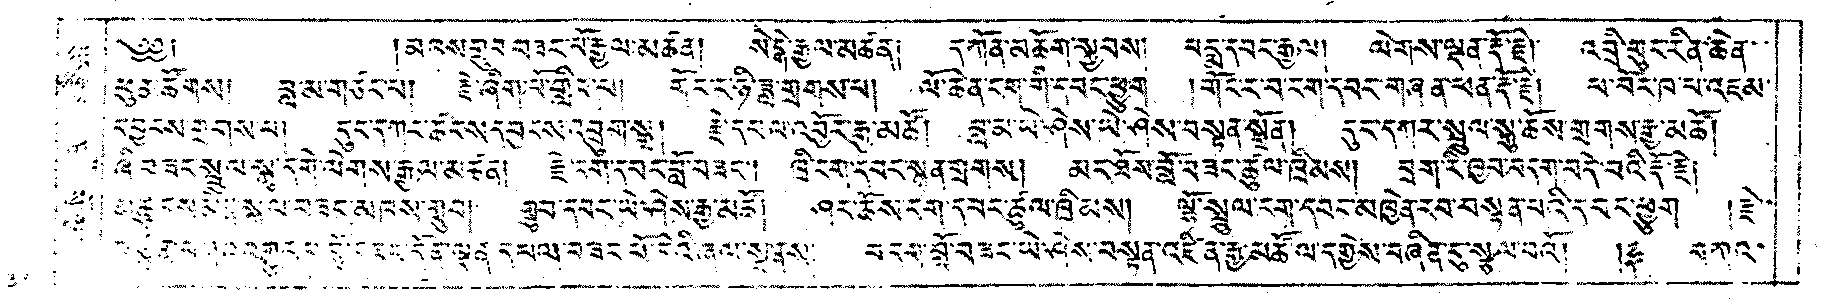༄༅། །མཁས་གྲུབ་བཟང་པོ་རྒྱལ་མཚན། སེངྒེ་རྒྱལ་མཚན། དཀོན་མཆོག་སྐྱབས། པདམ་དབང་རྒྱལ། ལེགས་ལྡན་རྡོ་རྗེ། འབྲི་གུང་རིན་ཆེན་
ཕུན་ཚོགས། བླ་མ་གཙང་པ། རྗེ་ཞིག་པོ་གླིང་པ། གོང་ར་ཉི་ཟླ་གྲགས་པ། ལོ་ཆེན་ངག་གི་དབང་ཕྱུག །གོང་ར་བ་ངག་དབང་གཞན་ཕན་རྡོ་རྗེ། ཕ་བོང་ཁ་པ་འཇམ་
དབྱངས་གྲགས་པ། དུང་དཀར་ཚངས་དབྱངས་འབྲུག་སྒྲ། རྗེ་དཔལ་འབྱོར་རྒྱ་མཚོ། བླ་མ་ཡེ་ཤེས་ཡེ་ཤེས་བསྟན་སྒྲོན། དུང་དཀར་སྤྲུལ་སྐུ་ཆོས་གྲགས་རྒྱ་མཚོ།
ཞི་བཟང་སྤྲུལ་སྐུ་དགེ་ལེགས་རྒྱལ་མཚན། རྗེ་ངག་དབང་བློ་བཟང་། ཁྲི་ངག་དབང་སྙན་གྲགས། མང་ཐོས་བློ་བཟང་ཚུལ་ཁྲིམས། བྲག་རི་ཁྱབ་བདག་བདེ་བའི་རྡོ་རྗེ།
མཚུངས་མེད་སྐལ་བཟང་མཁས་གྲུབ། གྲུབ་དབང་ཡེ་ཤེས་རྒྱ་མཚོ། ཤར་ཆོས་ངག་དབང་ཚུལ་ཁྲིམས། ལྷོ་སྤྲུལ་ངག་དབང་མཁྱེན་རབ་བསྟན་པའི་དབང་ཕྱུག །རྗེ་
བཙུན་བཀའ་འགྱུར་བ་བློ་བཟང་དོན་ལྡན་དཔལ་བཟང་པོ་དེའི་ཞལ་སྔ་ནས། བདག་ལོ་བཟང་ཡེ་ཤེས་བསྟན་འཛིན་རྒྱ་མཚོ་ལ་དགྱེས་བཞིན་དུ་སྩལ་བའོ། །༈ བཀའ་